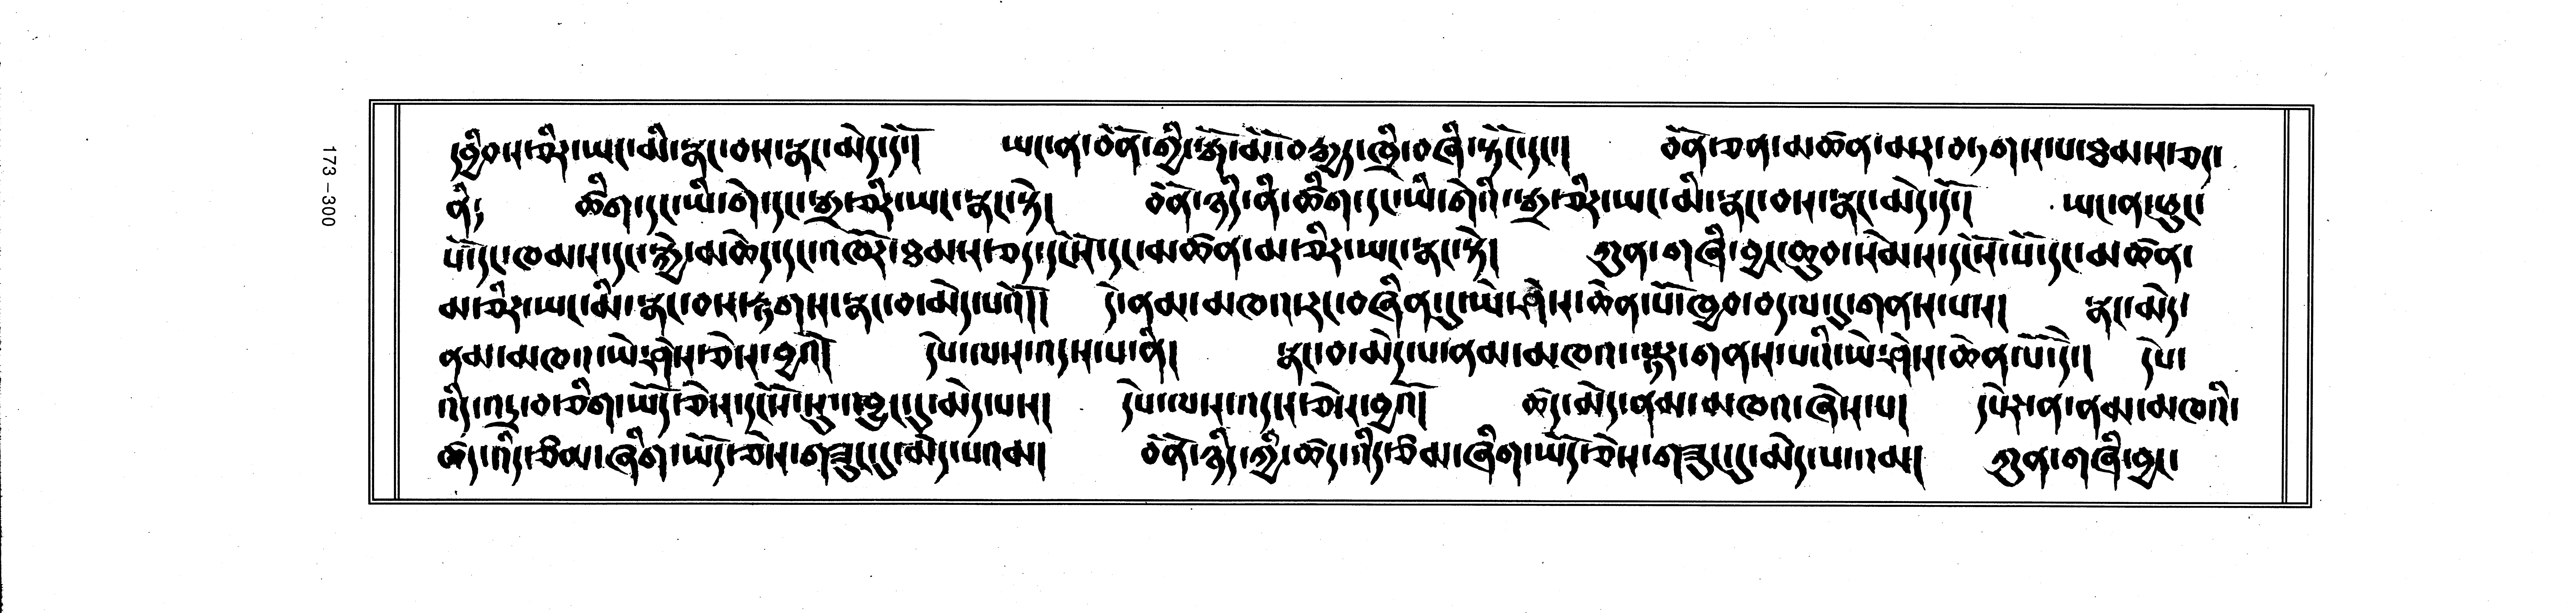དབྱིབས་ཅིར་ཡང་མི་སྣང་བས་སྣང་མེད་དོ། །ཡང་ན་བོན་གྱི་སྒོ་མོ་བརྒྱད་ཁྲི་བཞི་སྟོང་དང་། བོན་ཅན་མཚན་མར་བཏགས་པ་ཐམས་ཅད་
ནི། ཚིག་དང་ཡི་གེ་དང་སྒྲ་ཅིར་ཡང་སྣང་སྟེ། བོན་ཉིད་ནི་ཚིག་དང་ཡི་གེའི་སྒྲ་ཅིར་ཡང་མི་སྣང་བས་སྣང་མེད་དོ། །ཡང་ན་ཕུང་
པོ་ཁམས་དང་སྐྱེ་མཆེད་དང་། འཁོར་ཐམས་ཅད་དངོས་དང་མཚན་མར་སྣང་སྟེ། ཀུན་གཞི་བྱང་ཆུབ་ཀྱི་སེམས་དངོས་པོ་དང་མཚན་
མ་ཅིར་ཡང་མི་སྣང་བས་རྟགས་སྣང་བ་མེད་པའོ། །དེ་ནམ་མཁའ་རང་བཞིན་དུ་ཡེ་ཤེས་ཆེན་པོ་ཁྱབ་བདལ་དུ་གནས་པས། སྣང་མེད་
ནམ་མཁའ་ཡེ་ཤེས་ཅེས་བྱའོ། །དཔེ་ལས་འདས་པ་ནི། སྣང་བ་མེད་པ་ནམ་མཁའ་ལྟར་གནས་པའི་ཡེ་ཤེས་ཆེན་པོ་དེ། དཔེ་
འདི་འདྲ་བ་ཞིག་ཡོད་ཅེས་དངོས་སུ་འབྱུང་དུ་མེད་པས། དཔེ་ལས་འདས་ཅེས་བྱའོ། །ཚད་མེད་ནམ་མཁའ་ཞེས་པ། དཔེར་ན། ནམ་མཁའི་
ཚད་འདི་ཙམ་ཞིག་ཡོད་ཅེས་བཟུང་དུ་མེད་པའམ། བོན་ཉིད་ཀྱི་ཚད་འདི་ཙམ་ཞིག་ཡོད་ཅེས་བཟུང་དུ་མེད་པའམ། ཀུན་གཞི་བྱང་